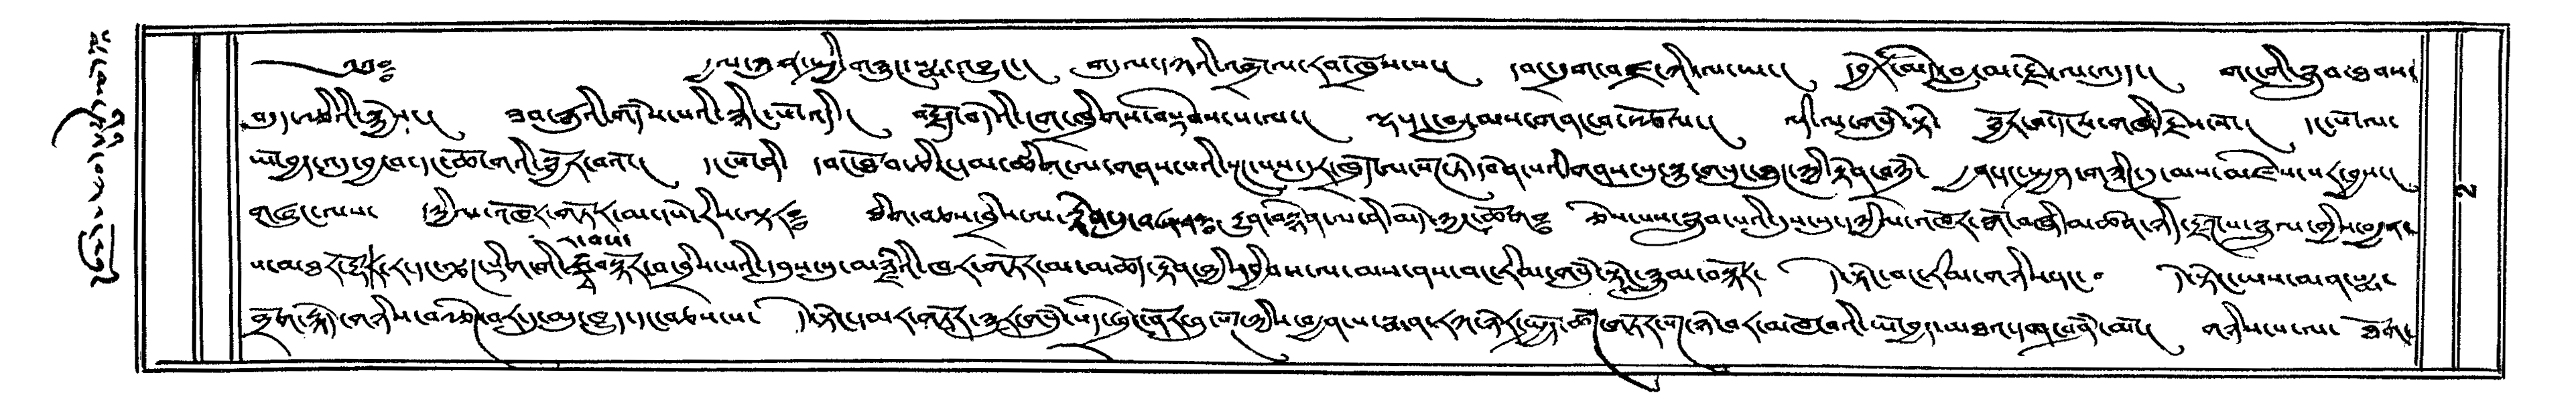༄༅། རྒྱལ་ཀུན་སྤྱི་གཟུགས་པདྨ་འབྱུང་། །གདུལ་དཀའི་འགྲོ་ལ་རབ་ཁྲོས་པ། །དབང་དྲག་བཛྲ་ཀི་ལ་ཡ། །དབྱེར་མེད་བླ་མ་རྗེ་ལ་འདུད། །གང་གི་སྒྲུབ་ཐབས་
བདུད་རྩིའི་སྐྱེས། །ཟབ་རྒུའི་གདམས་པའི་སྙིང་པོ་འདི། །བརྗོད་བདེའི་ངག་ཁྲིགས་བསྡེབས་པ་ལ། །ལྷ་དང་བླ་མས་གནང་བ་སྩོལ། །འདི་ལ་གསུམ་སྟེ། སྦྱོར་བ་དངོས་གཞི་རྗེས་སོ། དང་པོ་ལ་
ཡོ་བྱད་འདུ་བྱ་བ་དང་ཆོ་གའི་སྦྱོར་བའོ། དང་པོ་ནི། དབང་ཐོབ་ཅིང་དམ་ཚིག་ལ་གནས་པའི་སྔགས་པས་དུར་ཁྲོད་ལ་སོགས་ཏེ་དབེན་པའི་གནས་སུ་སྐུ་གསུང་ཐུགས་ཀྱི་རྟེན་བཀྲམ། རྒྱན་དང་སྤྱན་གཟིགས་དུ་མས་མཛེས་པར་བྱས། 
གཞུང་ལས། དཀྱིལ་འཁོར་གཏོར་མ་དཔེ་རིས་ལྟར༔ ཐིག་བཅས་བྲིས་ལ་རྟེན་དུ་བཞག༔ རྒྱུན་བསྙེན་ལ་ནི་མེད་་ཀྱང་ཆོག༔ ཅེས་པས་སྒྲུབ་པའི་དུས་སུ་དཀྱིལ་འཁོར་སྒོ་བཞི་མཚན་ཉིད་རྫོགས་པ་སྦྲུལ་གྱིས་བརྒྱན་
པ་མཐར་རྡོ་རྭ་དང་ལྕགས་སྡིག་གི་རྭ་བས་བསྐོར་བ་བྲིས་པའི་དབུས་སུ་མཉྫིའི་ཁར་གཏོར་མ་མཆོད་རྟེན་གྱི་དབྱིབས་ལ་མས་ནས་བང་རིམ་གསུམ་སྟེང་ཟླུམ་བསྐོར། དེ་སྟེང་བང་རིམ་གཉིས་དང་། དེ་སྟེང་ཡས་མན་པདྨ་
གྲོག་རྐེད་གཉིས་བརྩེགས་བར་མུ་ཁྱུད་དང་བཅས་པ། དེ་སྟེང་དམར་གཏོར་ཟུར་གསུམ་པད་ཕྲེང་ནོར་བུ་སོགས་ཀྱིས་བརྒྱན་པ་སྨན་རཀ་ཉེར་སྤྱོད་ཚོགས་གཏོར་སོགས་ཉེ་བར་མཁོ་བའི་ཡོ་བྱད་མཐའ་དག་བཤམ་མོ། གཉིས་པ་ལ། ཐོག་